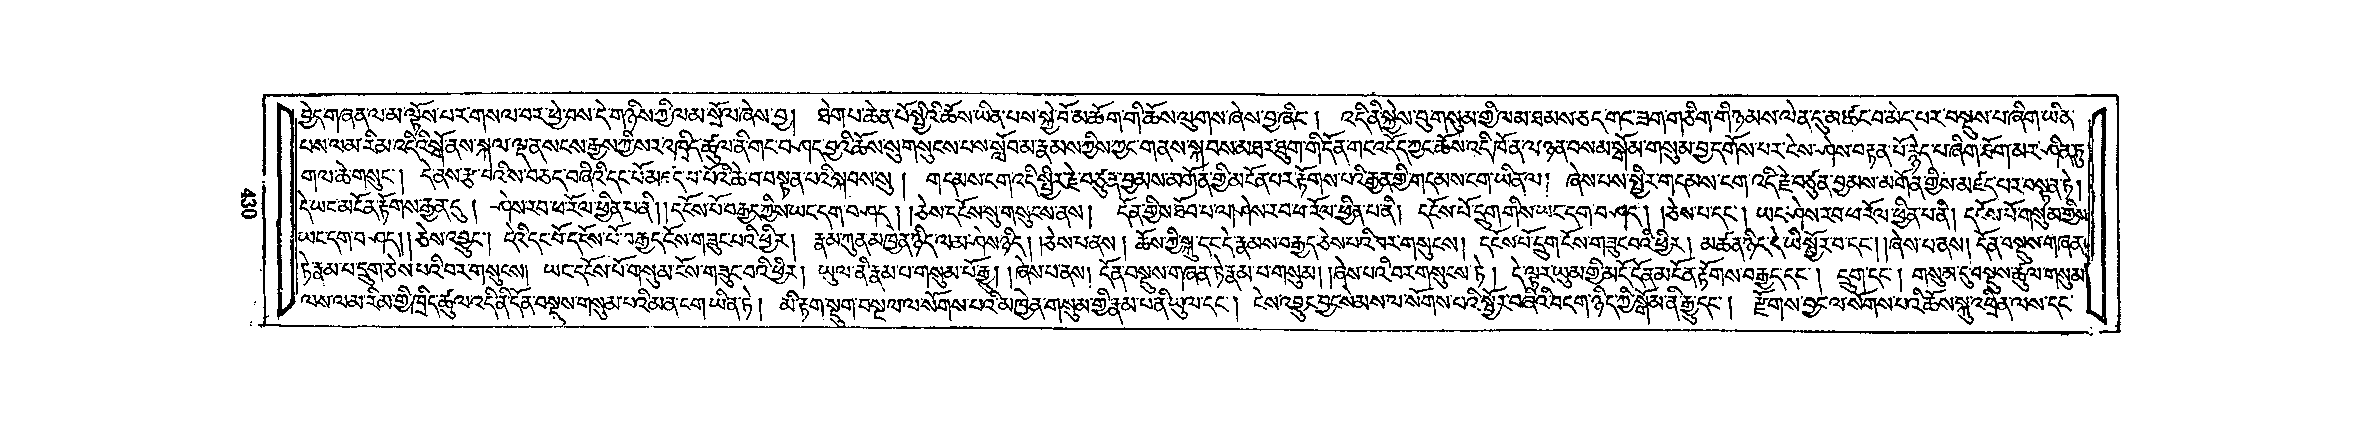བྱེད་གཞན་ལ་མ་ལྟོས་པར་གསལ་བར་ཕྱེ་བས་དེ་གཉིས་ཀྱི་ལམ་སྲོལ་ཞེས་བྱ། ཐེག་པ་ཆེན་པོ་སྤྱིའི་ཆོས་ཡིན་པས་སྐྱེ་བོ་མཆོག་གི་ཆོས་ལུགས་ཞེས་བྱ་ཞིང་། འདི་ནི་སྐྱེས་བུ་གསུམ་གྱི་ལམ་ཐམས་ཅད་གང་ཟག་གཅིག་གི་ཉམས་ལེན་དུ་མ་ཚང་བ་མེད་པར་བསྡུས་པ་ཞིག་ཡིན་
པས་ལམ་རིམ་འདིའི་སྒོ་ནས་སྐལ་ལྡན་སངས་རྒྱས་ཀྱི་སར་འཁྲིད་ཚུལ་ནི་གང་བཤད་བྱའི་ཆོས་སུ་གསུངས་པས་སློབ་མ་རྣམས་ཀྱིས་ཀྱང་གནས་སྐབས་མཐར་ཐུག་གི་དོན་གང་འདོད་ཀྱང་ཆོས་འདི་ཁོ་ན་ལ་ཉན་བསམ་སྒོམ་གསུམ་བྱ་དགོས་པར་ངེས་ཤེས་བརྟན་པོ་རྙེད་པ་ཞིག་ཐོག་མར་ཤིན་ཏུ་
གལ་ཆེ་གསུང་། དེ་ནས་རྩ་བའི་ས་བཅད་བཞིའི་དང་པོ་མཛད་པ་པོའི་ཆེ་བ་བསྟན་པའི་སྐབས་སུ། གདམས་ངག་འདི་སྤྱིར་རྗེ་བཙུན་བྱམས་མགོན་གྱི་མངོན་པར་རྟོགས་པའི་རྒྱན་གྱི་གདམས་ངག་ཡིན་ལ། ཞེས་པས་སྤྱིར་གདམས་ངག་འདི་རྗེ་བཙུན་བྱམས་མགོན་གྱིས་མཛད་པར་བསྟན་ཏེ།
དེ་ཡང་མངོན་རྟོགས་རྒྱན་དུ། ཤེས་རབ་ཕ་རོལ་ཕྱིན་པ་ནི། །དངོས་པོ་བརྒྱད་ཀྱིས་ཡང་དག་བཤད། །ཅེས་དངོས་སུ་གསུངས་ནས། དོན་གྱིས་ཐོབ་པ་ལ། ཤེས་རབ་ཕ་རོལ་ཕྱིན་པ་ནི། དངོས་པོ་དྲུག་གིས་ཡང་དག་བཤད། །ཅེས་པ་དང་། ཡང་ཤེས་རབ་ཕ་རོལ་ཕྱིན་པ་ནི། དངོས་པོ་གསུམ་གྱིས་
ཡང་དག་བཤད། །ཅེས་འབྱུང་། དེའི་དང་པོ་དངོས་པོ་བརྒྱད་ངོས་གཟུང་བའི་ཕྱིར། རྣམ་ཀུན་མཁྱེན་ཉིད་ལམ་ཤེས་ཉིད། །ཅེས་པ་ནས། ཆོས་ཀྱི་སྐུ་དང་དེ་རྣམས་བརྒྱད་ཅེས་པའི་བར་གསུངས། དངོས་པོ་དྲུག་ངོས་གཟུང་བའི་ཕྱིར། མཚན་ཉིད་དེ་ཡི་སྦྱོར་བ་དང་། །ཞེས་པ་ནས། དོན་བསྡུས་གཞན་
ཏེ་རྣམ་པ་དྲུག་ཅེས་པའི་བར་གསུངས། ཡང་དངོས་པོ་གསུམ་ངོས་གཟུང་བའི་ཕྱིར། ཡུལ་ནི་རྣམ་པ་གསུམ་པོ་རྒྱུ། ཞེས་པ་ནས། དོན་བསྡུས་གཞན་ཏེ་རྣམ་པ་གསུམ། །ཞེས་པའི་བར་གསུངས་ཏེ། དེ་ལྟར་ཡུམ་གྱི་མདོ་དོན་མངོན་རྟོགས་བརྒྱད་དང་། དྲུག་དང་། གསུམ་དུ་བསྡུས་ཚུལ་གསུམ་
ལས་ལམ་རིམ་གྱི་ཁྲིད་ཚུལ་འདི་ནི་དོན་བསྡུས་གསུམ་པའི་མན་ངག་ཡིན་ཏེ། མི་རྟག་སྡུག་བསྔལ་ལ་སོགས་པའི་མཁྱེན་གསུམ་གྱི་རྣམ་པ་ནི་ཡུལ་དང་། ངེས་འབྱུང་བྱང་སེམས་ལ་སོགས་པའི་སྦྱོར་བཞིའི་བདག་ཉིད་ཀྱི་སྒོམ་ནི་རྒྱུ་དང་། རྫོགས་བྱང་ལ་སོགས་པའི་ཆོས་སྐུ་འཕྲིན་ལས་དང་